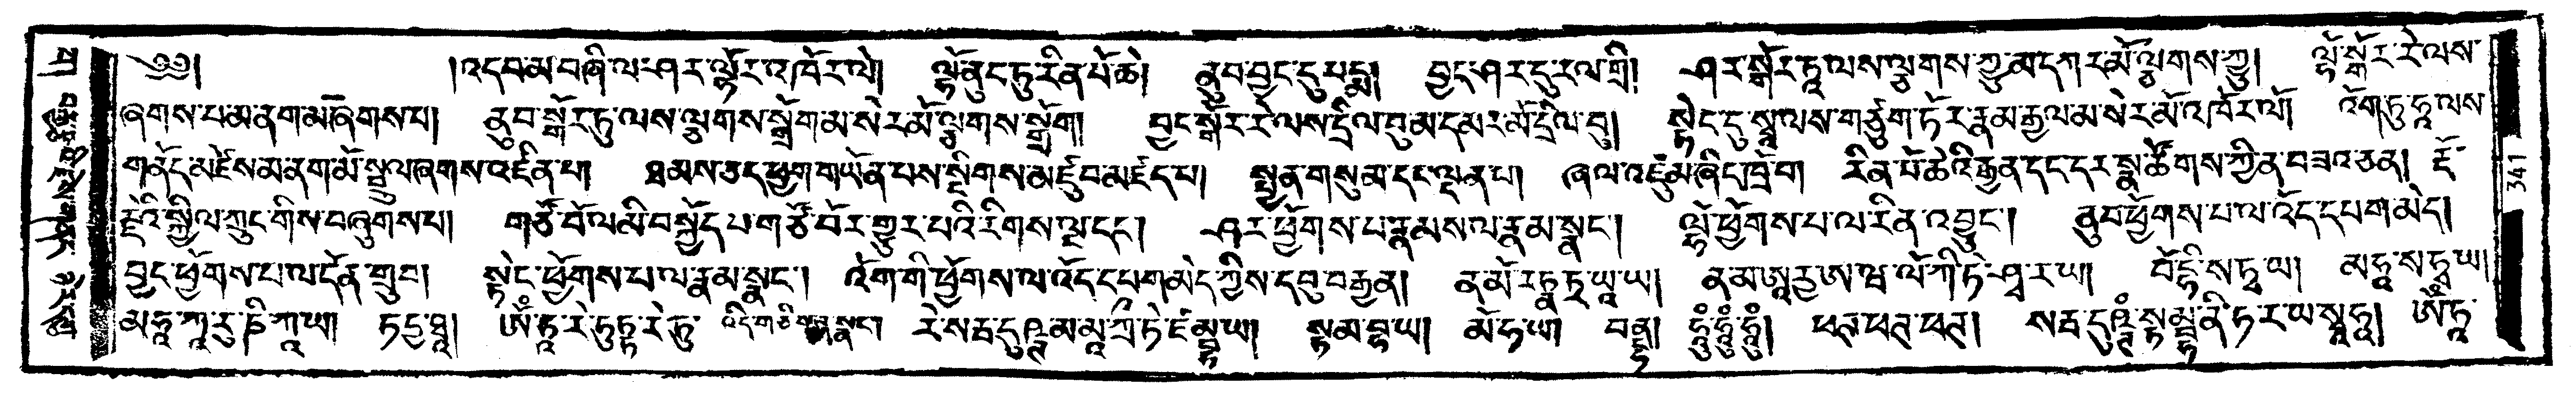༄༅། །འདབ་མ་བཞི་ལ་ཤར་ལྷོར་འཁོར་ལེ། ལྷོ་ནུབ་ཏུ་རིན་པོ་ཆེ། ནུབ་བྱང་དུ་པདམ། བྱང་ཤར་དུ་རལ་གྲི། ཤར་སྒོར་ཏཱ་ལས་ལྕགས་ཀྱུ་མ་དཀར་མོ་ལྕགས་ཀྱུ། ལྷོ་སྒོར་རེ་ལས་
ཞགས་པ་མ་ནག་མོ་ཞགས་པ། ནུབ་སྒོར་ཏུ་ལས་ལྕགས་སྒྲོག་མ་སེར་མོ་ལྕགས་སྒྲོག། བྱང་སྒོར་རེ་ལས་དྲིལ་བུ་མ་དམར་མོ་དྲིལ་བུ། སྟེང་དུ་སྭཱ་ལས་གཙུག་ཏོར་རྣམ་རྒྱལ་མ་སེར་མོ་འཁོར་ལོ། འོག་ཏུ་ཧཱ་ལས་
གནོད་མཛེས་མ་ནག་མོ་སྦྲུལ་ཞགས་འཛིན་པ། ཐམས་ཅད་ཕྱག་གཡོན་པས་སྡིགས་མཛུབ་མཛད་པ། སྤྱན་གསུམ་དང་ལྡན་པ། ཞལ་འཛུམ་ཞིང་ཁྲོ་བ། རིན་པོ་ཆེའི་རྒྱན་དང་དར་སྣ་ཚོགས་ཀྱི་ན་བཟའ་ཅན། རྡོ་
རྗེའི་སྐྱིལ་ཀྲུང་གིས་བཞུགས་པ། གཙོ་བོ་ལ་མི་བསྐྱོད་པ་གཙོ་བོར་གྱུར་པའི་རིགས་ལྔ་དང་། ཤར་ཕྱོགས་པ་རྣམས་ལ་རྣམ་སྣང་། ལྷོ་ཕྱོགས་པ་ལ་རིན་འབྱུང་། ནུབ་ཕྱོགས་པ་ལ་འོད་དཔག་མེད།
བྱང་ཕྱོགས་པ་ལ་དོན་གྲུབ། སྟེང་ཕྱོགས་པ་ལ་རྣམ་སྣང་། འོག་གི་ཕྱོགས་ལ་འོད་དཔག་མེད་ཀྱིས་དབུ་བརྒྱན། ན་མོ་རཏྣ་ཏྲ་ཡཱ་ཡ། ན་མ་ཨཱརྱ་ཨ་ཝ་ལོ་ཀི་ཏེ་ཤྭ་ར་ཡ། བོ་དྷི་སཏྭ་ཡ། མཧཱ་སཏྭ་ཡ།
མཧཱ་ཀཱ་རུ་ཎི་ཀཱ་ཡ། ཏདྱ་ཐཱ། ཨོཾ་ཏཱ་རེ་ཏུཏྟ་རེ་ཏུ་བིད?་གཅི་བདུན?་སྣང་། རེ་སརྦ་དུཥྚ་མ་མཱ་ཀྲྀ་ཏེ་ཛམྦྷ་ཡ། སྟམ་བྷ་ཡ། བནྡྷ། ཧཱུཾ་ཧཱུཾ་ཧཱུཾ། ཕཊ་ཕཊ་ཕཊ། སརྦ་དུཥྚཾ་སྟམྦྷ་ནི་ཏ་ར་ཡ་སྭཱཧཱ། ཨོཾ་ཏཱ་